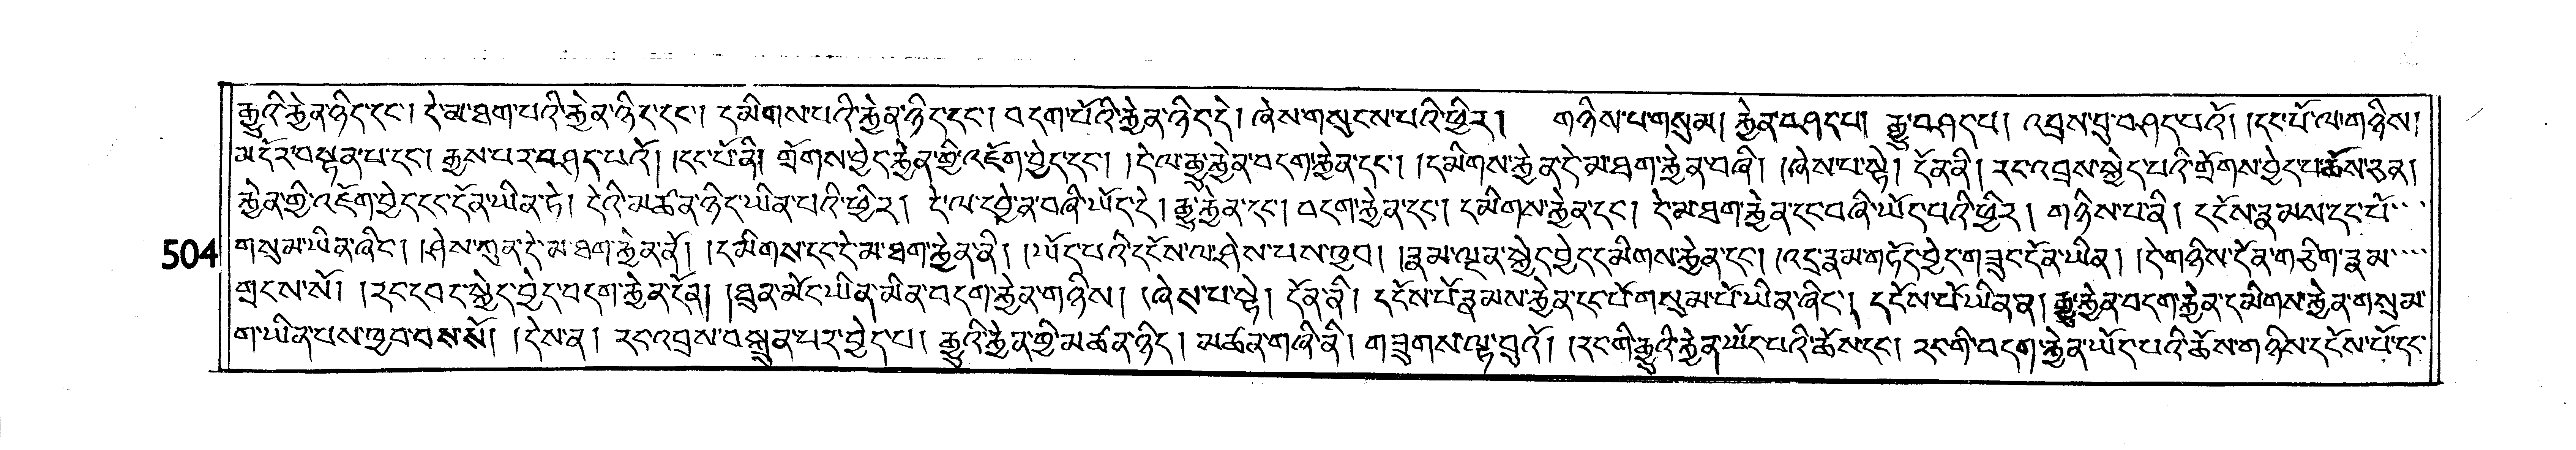རྒྱུའི་རྐྱེན་ཉིད་དང་། དེ་མ་ཐག་པའི་རྐྱེན་ཉིད་དང་། དམིགས་པའི་རྐྱེན་ཉིད་དང་། བདག་པོའི་རྐྱེན་ཉིད་དེ། ཞེས་གསུངས་པའི་ཕྱིར། གཉིས་པ་གསུམ། རྐྱེན་བཤད་པ། རྒྱུ་བཤད་པ། འབྲས་བུ་བཤད་པའོ། །དང་པོ་ལ་གཉིས།
མདོར་བསྟན་པ་དང་། རྒྱས་པར་བཤད་པའོ། །དང་པོ་ནི། གྲོགས་བྱེད་རྐྱེན་གྱི་འཇོག་བྱེད་དང་། །དེ་ལ་རྒྱུ་རྐྱེན་བདག་རྐྱེན་དང་། །དམིགས་རྐྱེན་དེ་མ་ཐག་རྐྱེན་བཞི། །ཞེས་པ་སྟེ། དོན་ནི། རང་འབྲས་སྐྱེད་པའི་གྲོགས་བྱེད་པ་ཆོས་ཅན།
རྐྱེན་གྱི་འཇོག་བྱེད་དང་དོན་ཡིན་ཏེ། དེའི་མཚན་ཉིད་ཡིན་པའི་ཕྱིར། དེ་ལ་དབྱེ་ན་བཞི་ཡོད་དེ། རྒྱུ་རྐྱེན་དང་། བདག་རྐྱེན་དང་། དམིགས་རྐྱེན་དང་། དེ་མ་ཐག་རྐྱེན་དང་བཞི་ཡོད་པའི་ཕྱིར། གཉིས་པ་ནི། དངོས་རྣམས་དང་པོ་
གསུམ་ཡིན་ཞིང་། །ཤེས་ཀུན་དེ་མ་ཐག་རྐྱེན་ནོ། །དམིགས་དང་དེ་མ་ཐག་རྐྱེན་ནི། །ཡོད་པའི་དངོས་ལ་ཤེས་པས་ཁྱབ། །རྣམ་ལྡན་སྐྱེད་བྱེད་དམིགས་རྐྱེན་དང་། །འདྲ་རྣམ་གཏོད་བྱེད་གཟུང་དོན་ཡིན། །དེ་གཉིས་དོན་གཅིག་རྣམ་
གྲངས་སོ། །རང་དབང་སྐྱེད་བྱེད་བདག་རྐྱེན་དོན། །ཐུན་མོང་ཡིན་མིན་བདག་རྐྱེན་གཉིས། །ཞེས་པ་སྟེ། དོན་ནི། དངོས་པོ་རྣམས་རྐྱེན་དང་པོ་གསུམ་པོ་ཡིན་ཞིང་། དངོས་པོ་ཡིན་ན། རྒྱུ་རྐྱེན་བདག་རྐྱེན་དམིགས་རྐྱེན་གསུམ་
ག་ཡིན་པས་ཁྱབ་བས་སོ། །དེས་ན། རང་འབྲས་བསྐྲུན་པར་བྱེད་པ། རྒྱུའི་རྐྱེན་གྱི་མཚན་ཉིད། མཚན་གཞི་ནི། གཟུགས་ལྟ་བུའོ། །རང་གི་རྒྱུའི་རྐྱེན་ཡོད་པའི་ཆོས་དང་། རང་གི་བདག་རྐྱེན་ཡོད་པའི་ཆོས་གཉིས་དངོས་པོ་དང་